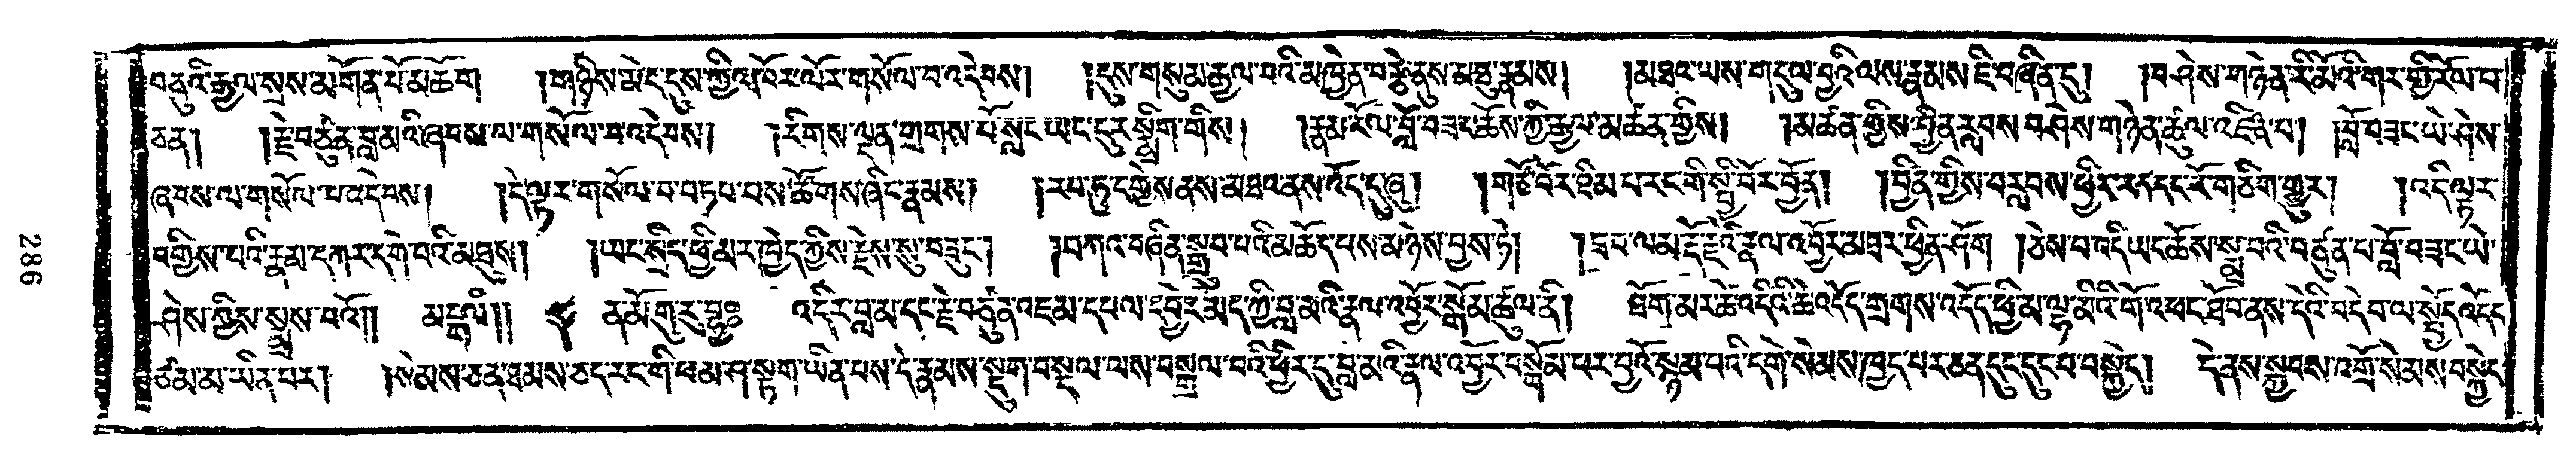བཅུའི་རྒྱལ་སྲས་མགོན་པོ་མཆོག །གཉིས་མེད་དུས་ཀྱི་འཁོར་ལོར་གསོལ་བ་འདེབས། །དུས་གསུམ་རྒྱལ་བའི་མཁྱེན་བརྩེ་ནུས་མཐུ་རྣམས། །མཐའ་ཡས་གདུལ་བྱའི་ལས་རྣམས་ཇི་བཞིན་དུ། །བཤེས་གཉེན་རི་མོའི་གར་གྱི་རོལ་བ་
ཅན། །རྗེ་བཙུན་བླ་མའི་ཞབས་ལ་གསོལ་བ་འདེབས། །རིགས་ལྡན་གྲགས་པོ་སླང་ཡང་དུར་སྨྲིག་གིས། །རྣམ་རོལ་བློ་བཟང་ཆོས་ཀྱི་རྒྱལ་མཚན་གྱིས། །མཚན་གྱིས་བྱིན་རླབས་བཤེས་གཉེན་ཚུལ་འཛིན་པ། །བློ་བཟང་ཡེ་ཤེས་
ཞབས་ལ་གསོལ་པ་འདེབས། །དེ་ལྟར་གསོལ་བ་བཏབ་པས་ཚོགས་ཞིང་རྣམས། །རབ་ཏུ་དགྱེས་ནས་མཐའ་ནས་འོད་དུ་ཞུ། །གཙོ་བོར་ཐིམ་པ་རང་གི་སྤྱི་བོར་བྱོན། །བྱིན་གྱིས་བརླབས་ཕྱིར་རང་དང་རོ་གཅིག་གྱུར། །འདི་ལྟར་
བགྱིས་པའི་རྣམ་དཀར་དགེ་བའི་མཐུས། །ཡང་སྲིད་ཕྱི་མར་ཁྱེད་ཀྱིས་རྗེས་སུ་བཟུང་། །བཀའ་བཞིན་སྒྲུབ་པའི་མཆོད་པས་མཉེས་བྱས་ཏེ། །ཐབ་ལམ་རྡོ་རྗེའི་རྣལ་འབྱོར་མཐར་ཕྱིན་ཤོག །ཅེས་པ་འདི་ཡང་ཆོས་སྨྲ་བའི་བཙུན་པ་བློ་བཟང་ཡེ་
ཤེས་ཀྱིས་སྨྲས་བའོ།། མངྒལཾ།། ༈ ན་མོ་གུ་རུ་བྷྱཿ འདིར་བླ་མ་དང་རྗེ་བཙུན་འཇམ་དཔལ་དབྱེར་མེད་ཀྱི་བླ་མའི་རྣལ་འབྱོར་སྒོམ་ཚུལ་ནི། ཐོག་མར་ཚེ་འདིའི་ཆེ་འདོད་གྲགས་འདོད་ཕྱི་མ་ལྷ་མིའི་གོ་འཕང་ཐོབ་ནས་དེའི་བདེ་བ་ལ་སྤྱོད་འདོད་
ཙམ་མ་ཡིན་པར། །སེམས་ཅན་ཐམས་ཅད་རང་གི་ཕ་མ་ཤ་སྟག་ཡིན་པས་དེ་རྣམས་སྡུག་བསྔལ་ལས་བསྒྲལ་བའི་ཕྱིར་དུ་བླ་མའི་རྣལ་འབྱོར་བསྒོམ་པར་བྱའོ་སྙམ་པའི་དགེ་སེམས་ཁྱད་པར་ཅན་དུང་དུང་བ་བསྐྱེད། །དེ་ནས་སྐྱབས་འགྲོ་སེམས་བསྐྱེད་